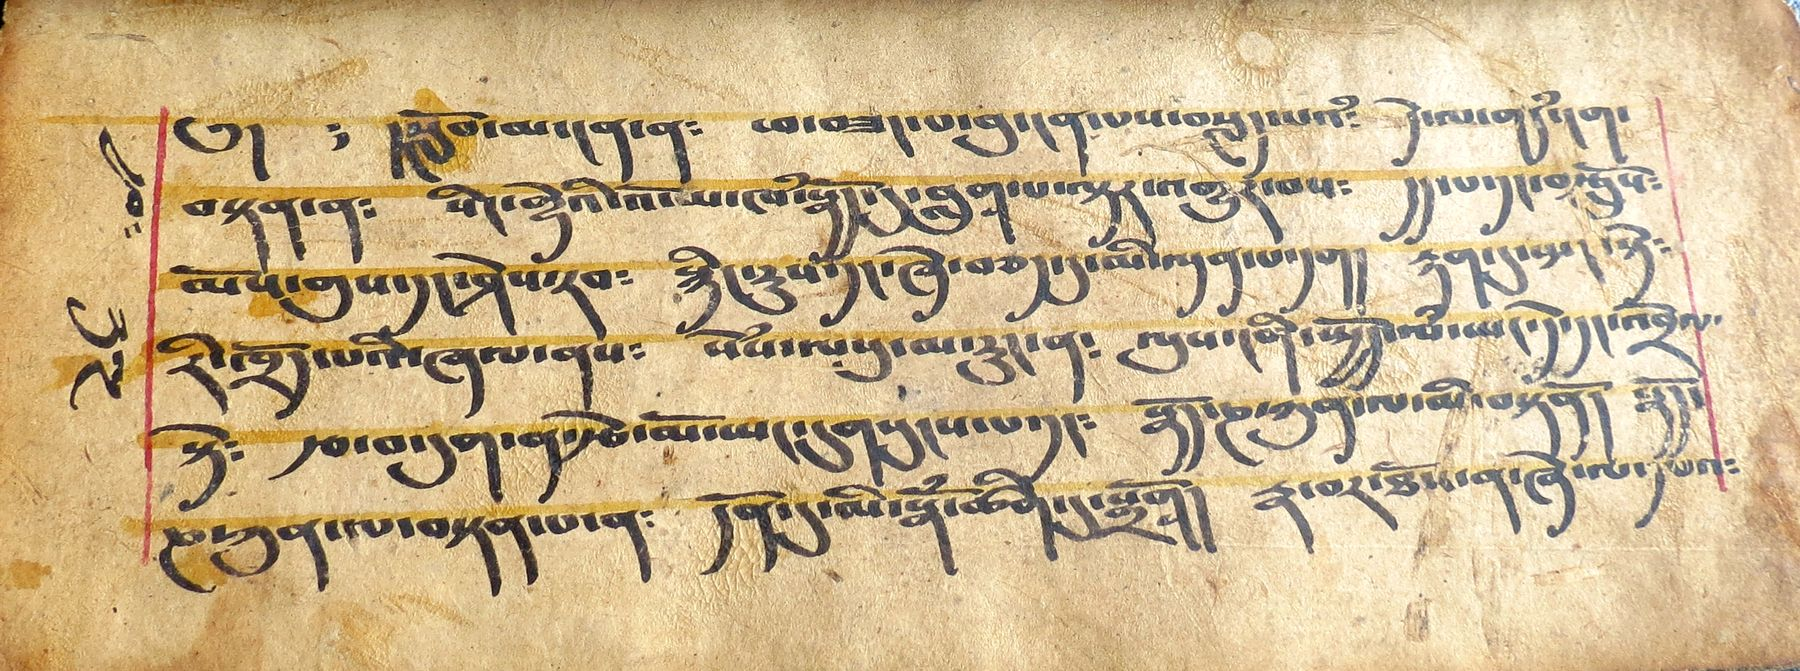སློབ་མ་ངན་ན། ཕ་བཟང་པོ་བུ་ངན་པས་བསླད་པའམ། དེ་ལ་གདམས་ངག་
བསྟན་ན། སེང་གེའི་འོ་མ་ཁམས་སྣོད་དུ་བླུག་པ་ལྟར་འགྱུར་པས། དད་པ་དང་བརྩོན་འགྲུས། 
མོས་གུས་དང་ཤེས་རབ། སྙིང་རུས་དང་ཞེ་བཅད་དུ་མི་ལྡན་པ་དག། བརྟགས་ལ་སྤངས་ཏེ། 
རི་ཁྲོད་པའི་ཞལ་ནས། སེམས་ལས་སུ་མ་རུང་ན། ལུས་ངག་གི་སྤྱོད་ལམ་ཡང་དེ་དང་འབྲེལ་
ཏེ། རྩ་བ་དུག་ན་རྩེ་མོ་ཡང་དུག་གསུངས་པ་དང་། སྣོད་མེད་ཀུན་ལ་མི་བསྟན་ཏོ། སྣོད་
མེད་ཀུན་ལ་བསྟན་པ་ན། དོན་དུ་མི་སྒོམ་ཚིག་སུ་སྒྲོགས། རྣ་བར་ཐོས་ན་ཞེ་ལ་དཔའ།